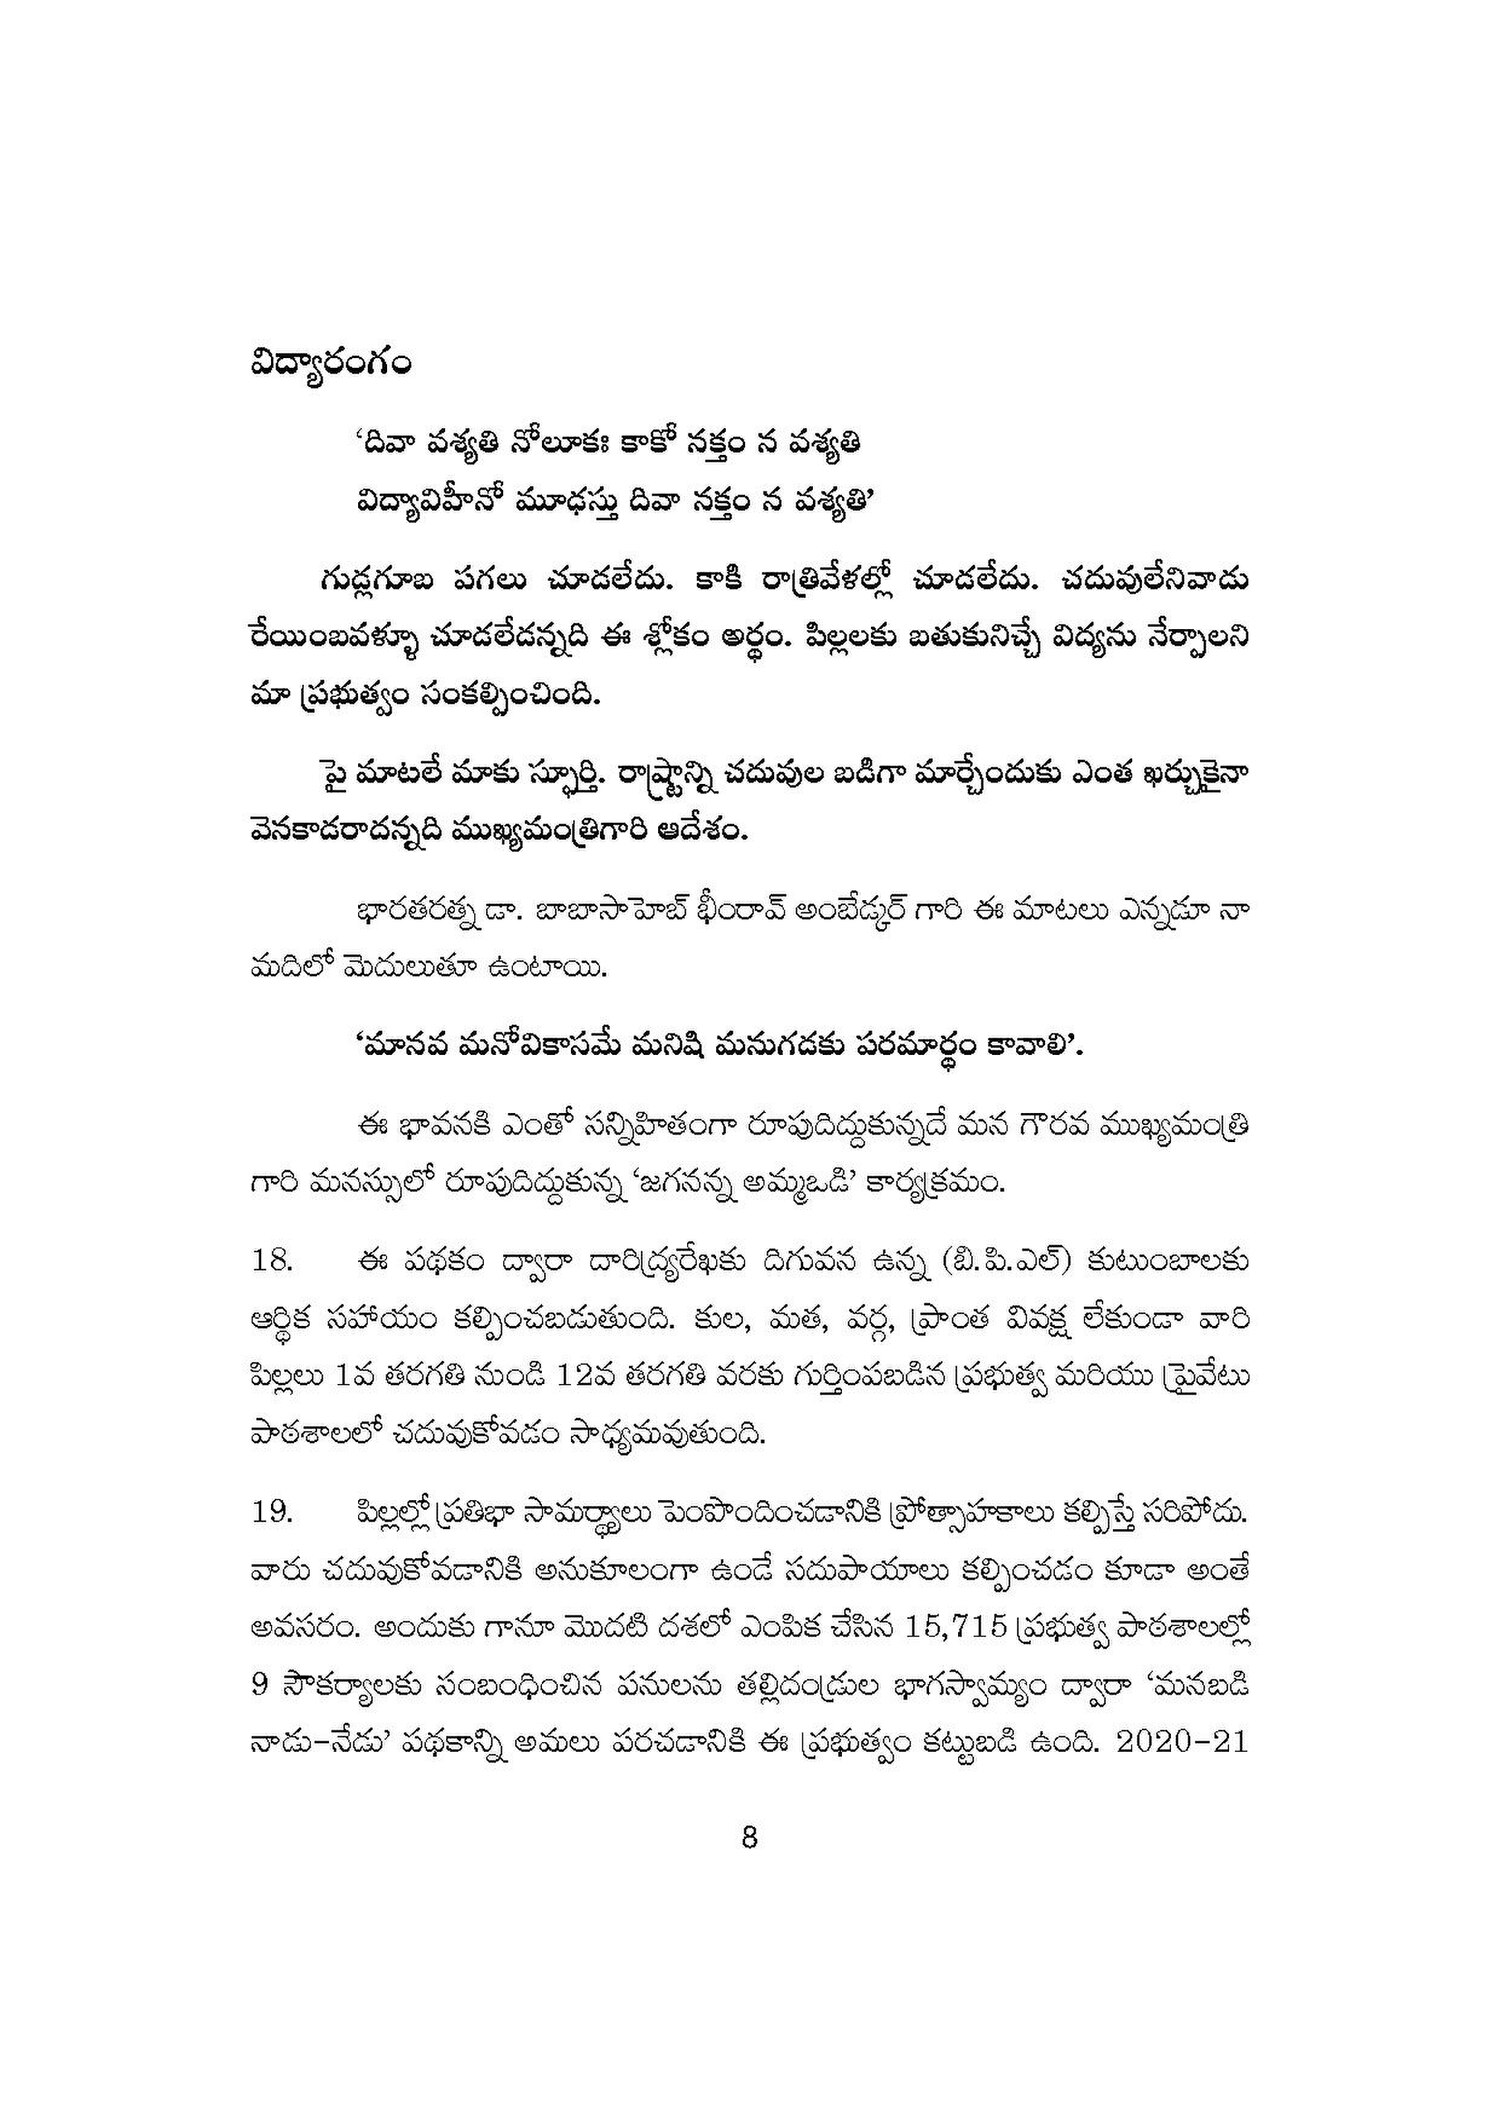విద్యారంగం

 	

గుడ్లగూబ పగలు చూడలేదు. కాకి రాత్రివేళల్లో చూడలేదు. చదువులేనివాడు రేయింబవళ్ళూ చూడలేదన్నది ఈ శ్లోకం అర్థం.
పిల్లలకు బతుకునిచ్చే విద్యను నేర్పాలని మా ప్రభుత్వం సంకల్పించింది. 

పై మాటలే మాకు స్ఫూర్తి. రాష్ట్రాన్ని చదువుల బడిగా మార్చేందుకు ఎంత ఖర్చుకైనా వెనకాడరాదన్నది ముఖ్యమంత్రిగారి ఆదేశం.

భారతరత్న డా. బాబాసాహెబ్ భీంరావ్ అంబేడ్కర్ గారి ఈ మాటలు ఎన్నడూ నా మదిలో మెదులుతూ ఉంటాయి.

'మానవ మనోవికాసమే మనిషి మనుగడకు పరమార్ధం కావాలి'. 

ఈ భావనకి ఎంతో సన్నిహితంగా రూపుదిద్దుకున్నదే మన గౌరవ ముఖ్యమంత్రి గారి మనస్సులో రూపుదిద్దుకున్న 'జగనన్న అమ్మఒడి' కార్యక్రమం. 

18. ఈ పథకం ద్వారా దారిద్ర్యరేఖకు దిగువన ఉన్న (బి.పి.ఎల్) కుటుంబాలకు ఆర్థిక సహాయం కల్పించబడుతుంది. కుల, మత, వర్గ, ప్రాంత వివక్ష లేకుండా వారి పిల్లలు 1వ తరగతి నుండి 12వ తరగతి వరకు గుర్తింపబడిన ప్రభుత్వ మరియు ప్రైవేటు పాఠశాలలో చదువుకోవడం సాధ్యమవుతుంది. 

19. పిల్లల్లో ప్రతిభా సామర్థ్యాలు పెంపొందించడానికి ప్రోత్సాహకాలు కల్పిస్తే సరిపోదు. వారు చదువుకోవడానికి అనుకూలంగా ఉండే సదుపాయాలు కల్పించడం కూడా అంతే అవసరం. అందుకు గానూ మొదటి దశలో ఎంపిక చేసిన 15,715 ప్రభుత్వ పాఠశాలల్లో 9 సౌకర్యాలకు సంబంధించిన పనులను తల్లిదండ్రుల భాగస్వామ్యం ద్వారా 'మనబడి నాడు-నేడు' పథకాన్ని అమలు పరచడానికి ఈ ప్రభుత్వం కట్టుబడి ఉంది. 2020-21